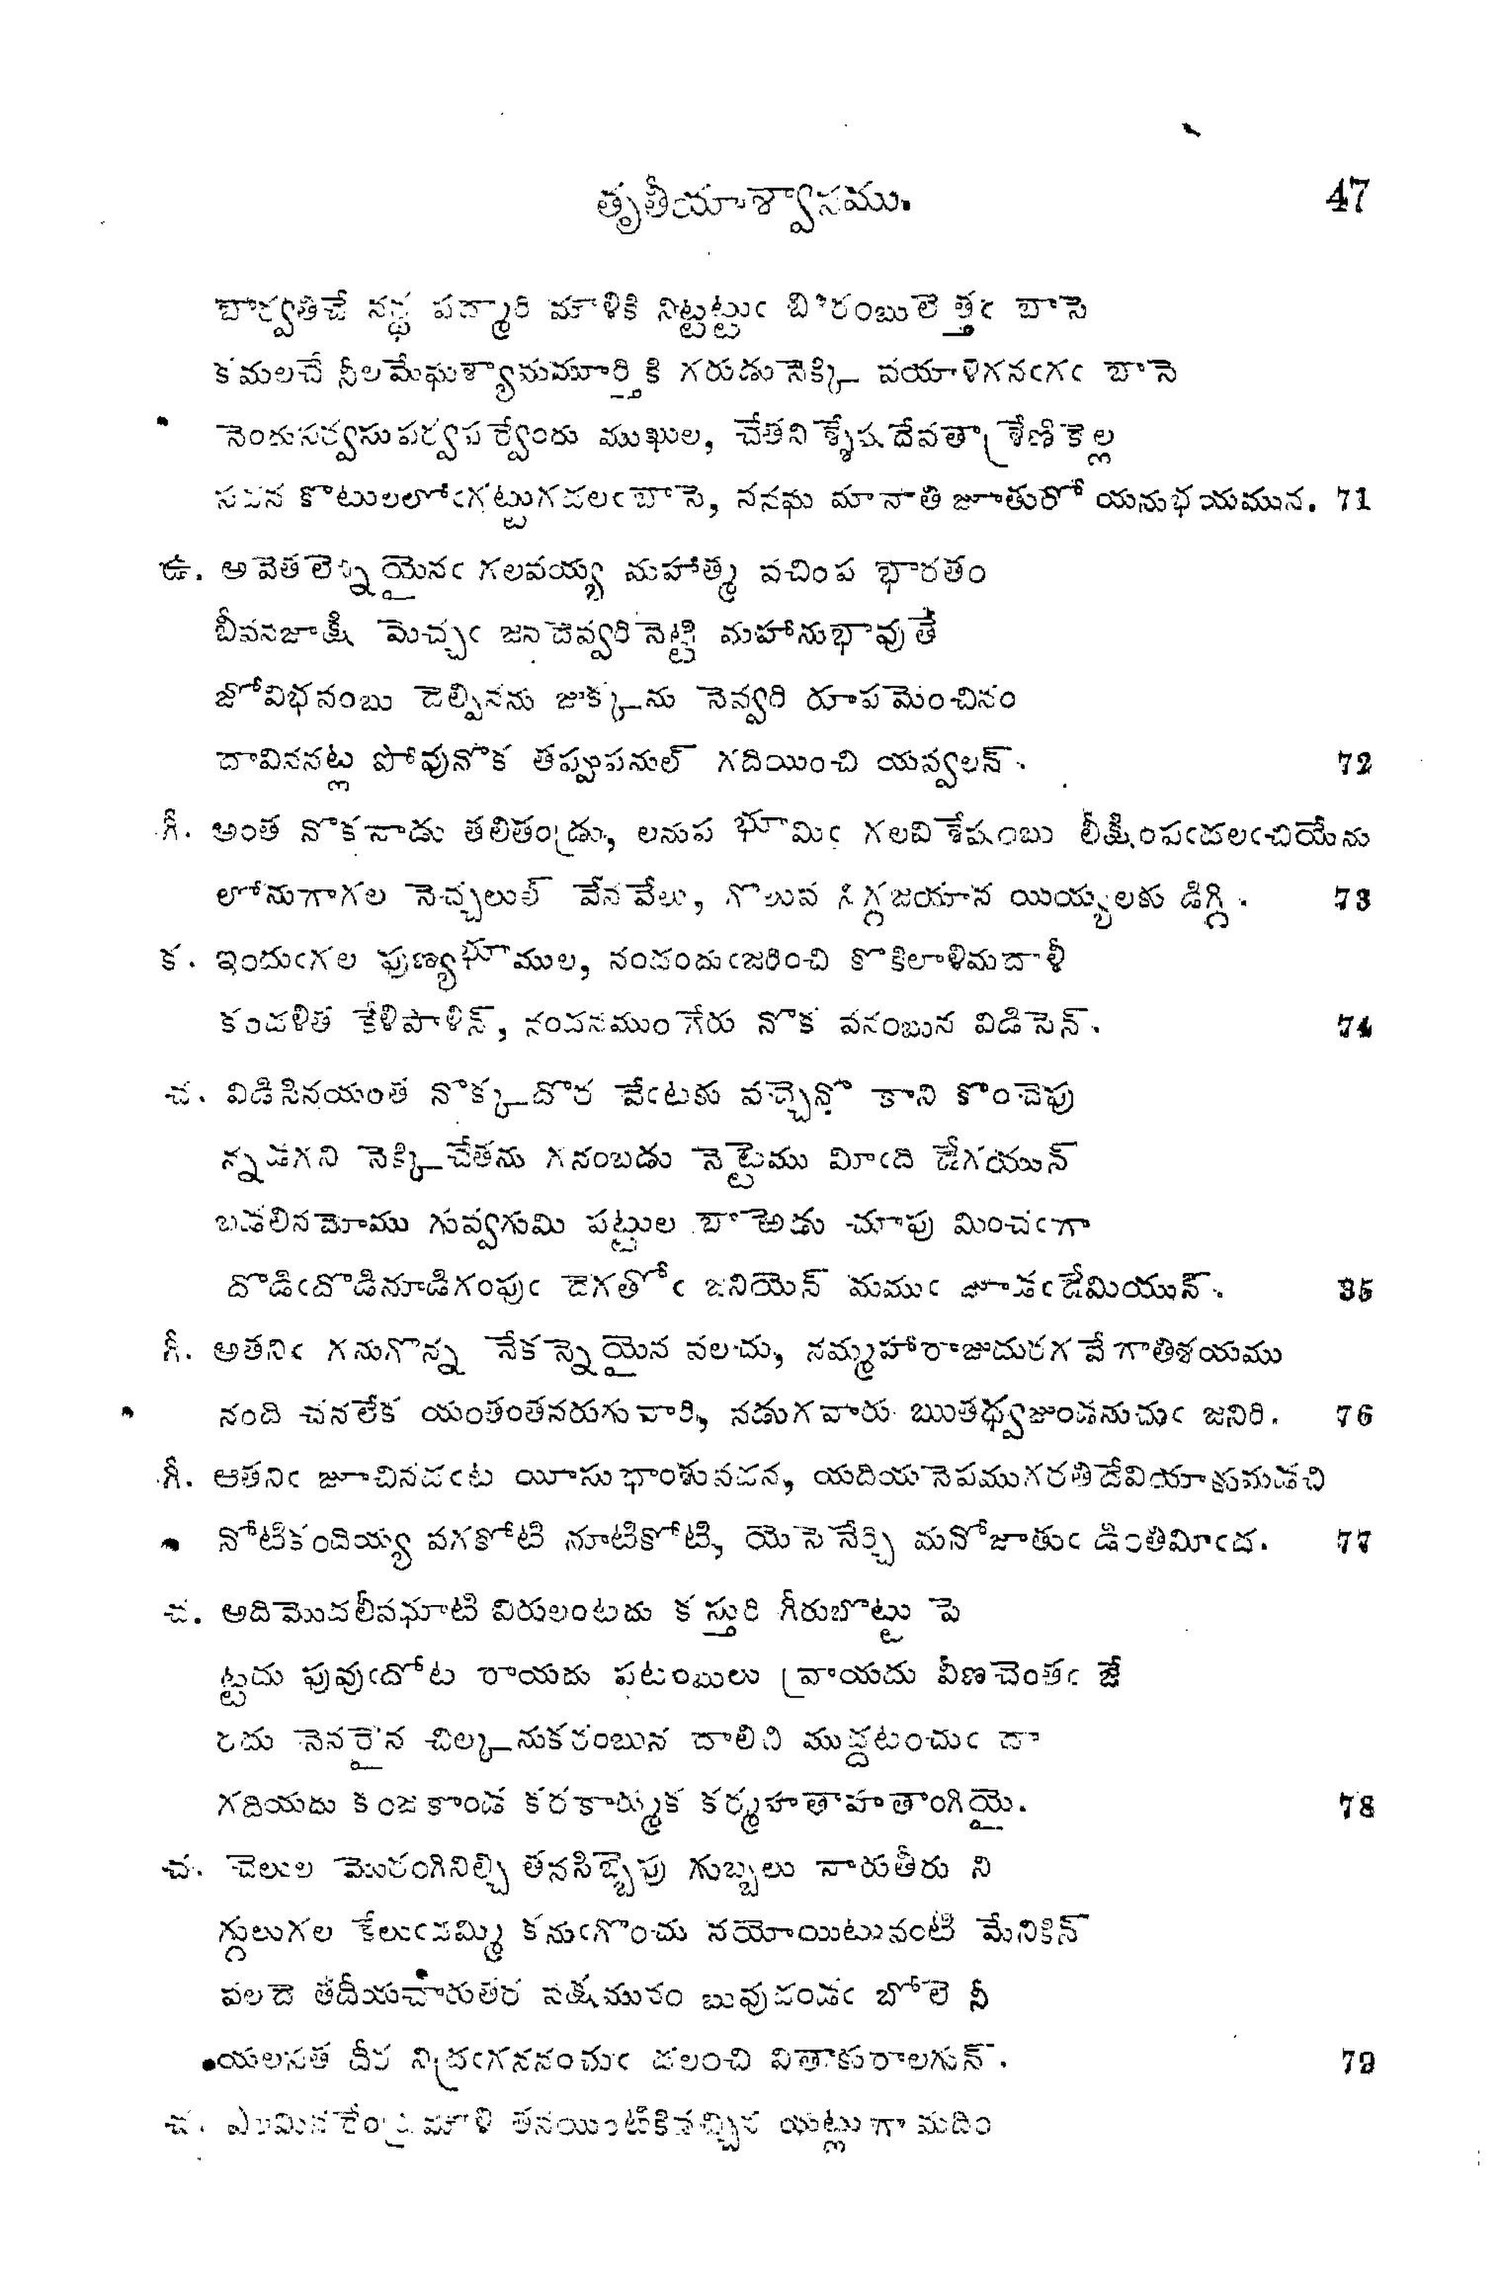బార్వతిచే నర్ధపద్మారిమౌళికి నిట్టట్టుఁ బీరంబు లెత్తఁ బాసె
కమలచే నీలమేఘశ్యామమూర్తికి గరుడు నెక్కి వయాళి గనఁగఁ బాసె
నెందు సర్వసుపర్వపర్వేందుముఖుల, చేత నిశ్శేషదేవతాశ్రేణికెల్ల
సదనకోటులలోఁ గట్టు గదలఁ బాసె, ననఘ మానాతి జూతురో యనుభయమున.
ఉ. ఆవెత లెన్నియైనఁ గలవయ్య మహాత్మ వచింప భారతం
బీవనజాక్షి మెచ్చఁ జన దెవ్వరి నెట్టి మహానుభావుతే
జోవిభవంబు దెల్పినను జుక్కను నెవ్వరి రూపమెంచినం
దా విననట్ల పోవు నొకతప్పు పనుల్ గదియించి యవ్వలన్.
గీ. అంత నొకనాఁడు తలితండ్రు, లనుప భూమిఁ గలవిశేషంబు లీక్షింపఁదలఁచి యేను
లోనుగాగల నెచ్చలుల్ వేనవేలు, గొలువ నిగ్గజయాన యియ్యలకు డిగ్గి.
క. ఇందుఁగల పుణ్యభూముల, నందందుఁ జరించి కోకిలాళిమదాళీ
కందళితకేళిపాళిన్, నందనముం గేరు నొకవనంబున విడిసెన్.
చ. విడిసినయంత నొక్కదొర వేఁటకు వచ్చెనొ కాని కొంచెపు
న్నడ గని నెక్కిచేతను గ నంబడు నెట్టెముమీఁది డేగయున్
బడలినమోము గువ్వగుమిపట్టుల బాఱెడుచూపు మించఁగా
దొడిఁదొడి నూడిగంపుఁ దెగతోఁ జనియెన్ మముఁ జూడఁడేమియున్.
గీ. అతనిఁ గనుగొన్న నేకన్నెయైన వలచు, నమ్మహారాజు దురగవేగాతిశయము
నంది చనలేక యంతంత నరుగువారి, నడుగ వారు ఋతధ్వజుం డనుచుఁ జనిరి.
గీ. అతనిఁ జూచినదఁట యీసుధాంశువదన, యదియ నెపముగ రతిదేవి యాకుమడచి
నోటి కందియ్య వగకోటి నూటికోటి, యేసె నేర్చి మనోజాతుఁ డింతిమీఁద.
చ. అదిమొద లీవధూటి విరులంటదు కస్తురి గీరుబొట్టు పె
ట్టదు పువుఁదోట రాయదు పటంబులు వ్రాయదు వీణచెంతఁ జే
రదు నెవరైన చిల్కను కరంబున దాలిచి ముద్దటంచుఁ దా
గదియదు కంజకాండకరకార్ముకకర్మహతాహతాంగియై.
చ. చెలుల మొరంగి నిల్చి తనసిబ్బెపుగుబ్బలు నారుతీరు ని
గ్గులుగల కేలుఁదమ్మి కనుఁగొంచు నయో యిటువంటి మేనికిన్
వలదె తదీయచారుతరవక్షమునం బువుదండఁ బోలె నీ
యలసత దీక నిద్రఁగననంచుఁ దలంచి వితాకురాలగున్.
చ. ఎలమి నరేంద్రమౌళి తనయింటికి వచ్చినయట్లుగా మదిం